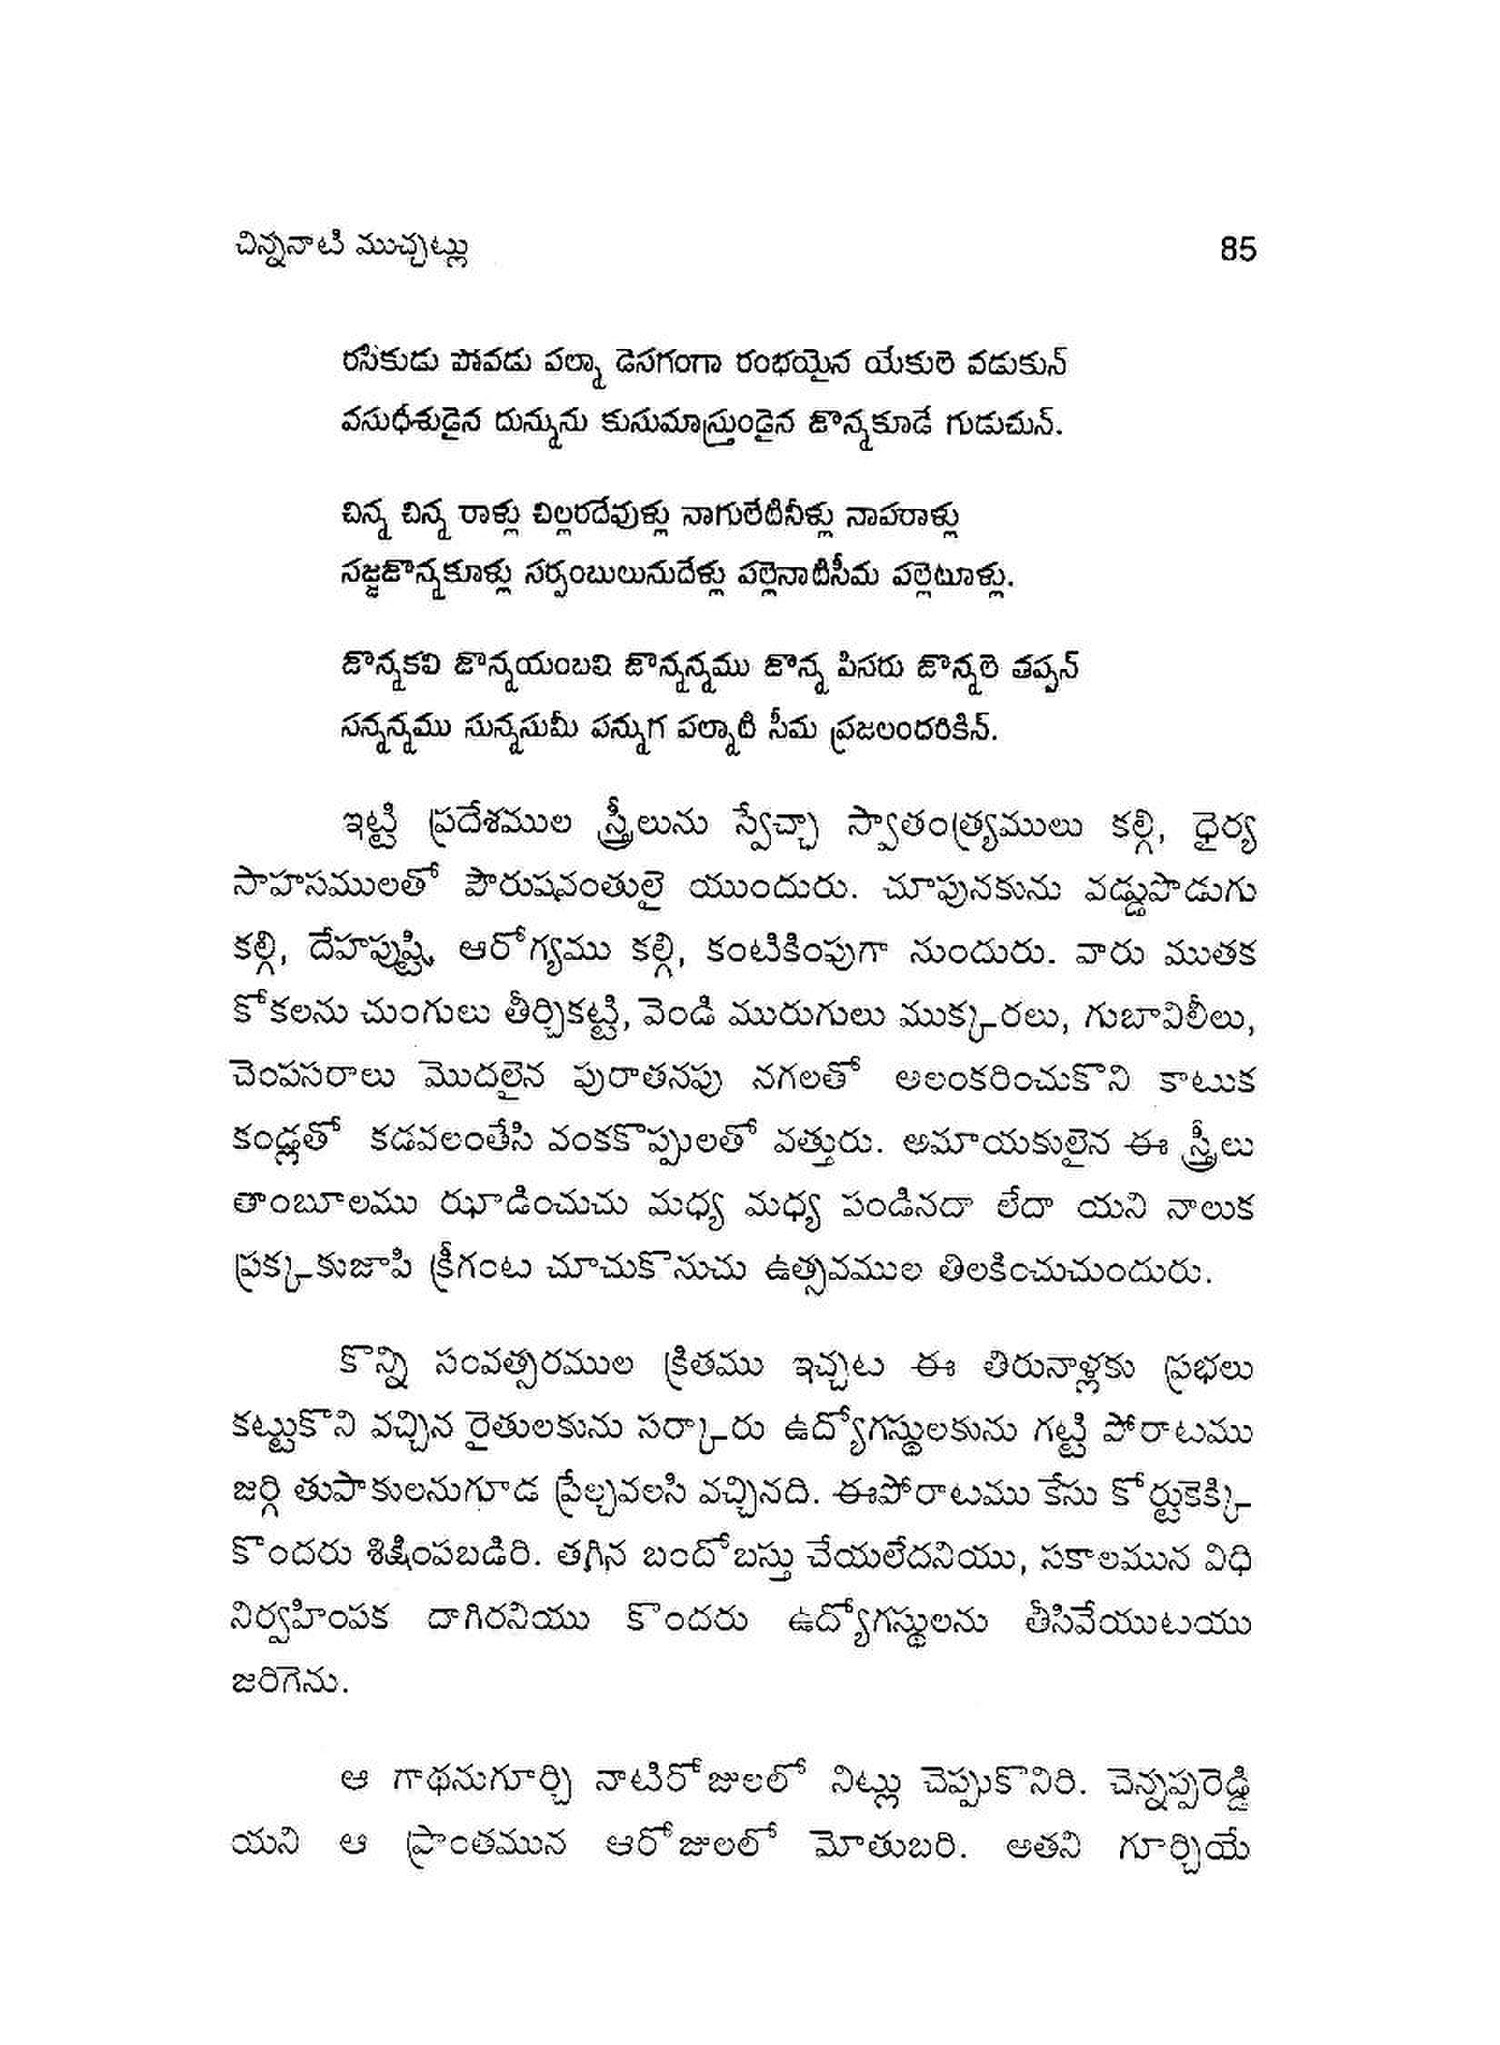రసికుడు పోవడు పల్నా డెసగంగా రంభమైన యేకులె వడుకున్
వసుధీశుడైన దున్నును కుసుమాస్త్రుండైన జొన్నకూడే గుడుచున్.

చిన్న చిన్న రాళ్లు చిల్లరదేవుళ్ళు నాగులేటినీళ్ళు నాపరాళ్ళు
సజ్జజొన్నకూళ్లు సర్పంబులునుదేళ్ళు పల్లెనాటిసీమ పల్లెటూళ్ళు.

జొన్నకలి జొన్నయంబలి జొన్నన్నము జొన్న పిసరు జొన్నలె తప్పన్
సన్నన్నము సున్నసుమీ పన్నుగ పల్మాటి సీమ ప్రజలందరికిన్. 

ఇట్టి ప్రదేశముల స్త్రీలును స్వేచ్చా స్వతంత్ర్యము కల్గి, ధైర్య సాహసములతో పౌరుషవంతులై యుందురు. చూపునకును వడ్డుపొడుగు కల్గి, దేహపుష్టి ఆరోగ్యము కల్గి, కంటికింపుగా నుందురు. వారు ముతక కోకలను చుంగులు తీర్చికట్టి, వెండి మురుగులు ముక్కరలు, గుబావిలీలు, చెంపసరాలు మొదలైన పురాతనపు నగలతో అలంకరించుకొని కాటుక కండ్లతో కడవలంతేసి వంకకొప్పులతో వత్తురు. అమాయకులైన ఈ స్త్రీలు తాంబూలము ఝాడించుచు మధ్య మధ్య పండినదా లేదా యని నాలుక ప్రక్కకు జాపి క్రీగంట చూచుకొనుచు ఉత్సవముల తిలకించుచుందురు.

కొన్ని సంవత్సరముల క్రితము ఇచ్చట ఈ తిరునాళ్లకు ప్రభలు కట్టుకొని వచ్చిన రైతులకును సర్కారు ఉద్యోగస్థులకును గట్టి పోరాటము జర్గి తుపాకులనుగూడ ప్రేల్చవలసి వచ్చినది. ఈపోరాటము కేసు కోర్టుకెక్కి కొందరు శిక్షింపబడిరి. తగిన బందోబస్తు చేయలేదనియు, సకాలమున విధి నిర్వహింపక దాగిరనియు కొందరు ఉద్యోగస్తులను తీసివేయుటయు జరిగెను.

ఆ గాథనుగూర్చి నాటిరోజులలో నిట్లు చెప్పుకొనిరి. చెన్నప్పరెడ్డి యని ఆ ప్రాంతమున ఆరోజులలో మోతుబరి. అతని గూర్చియే